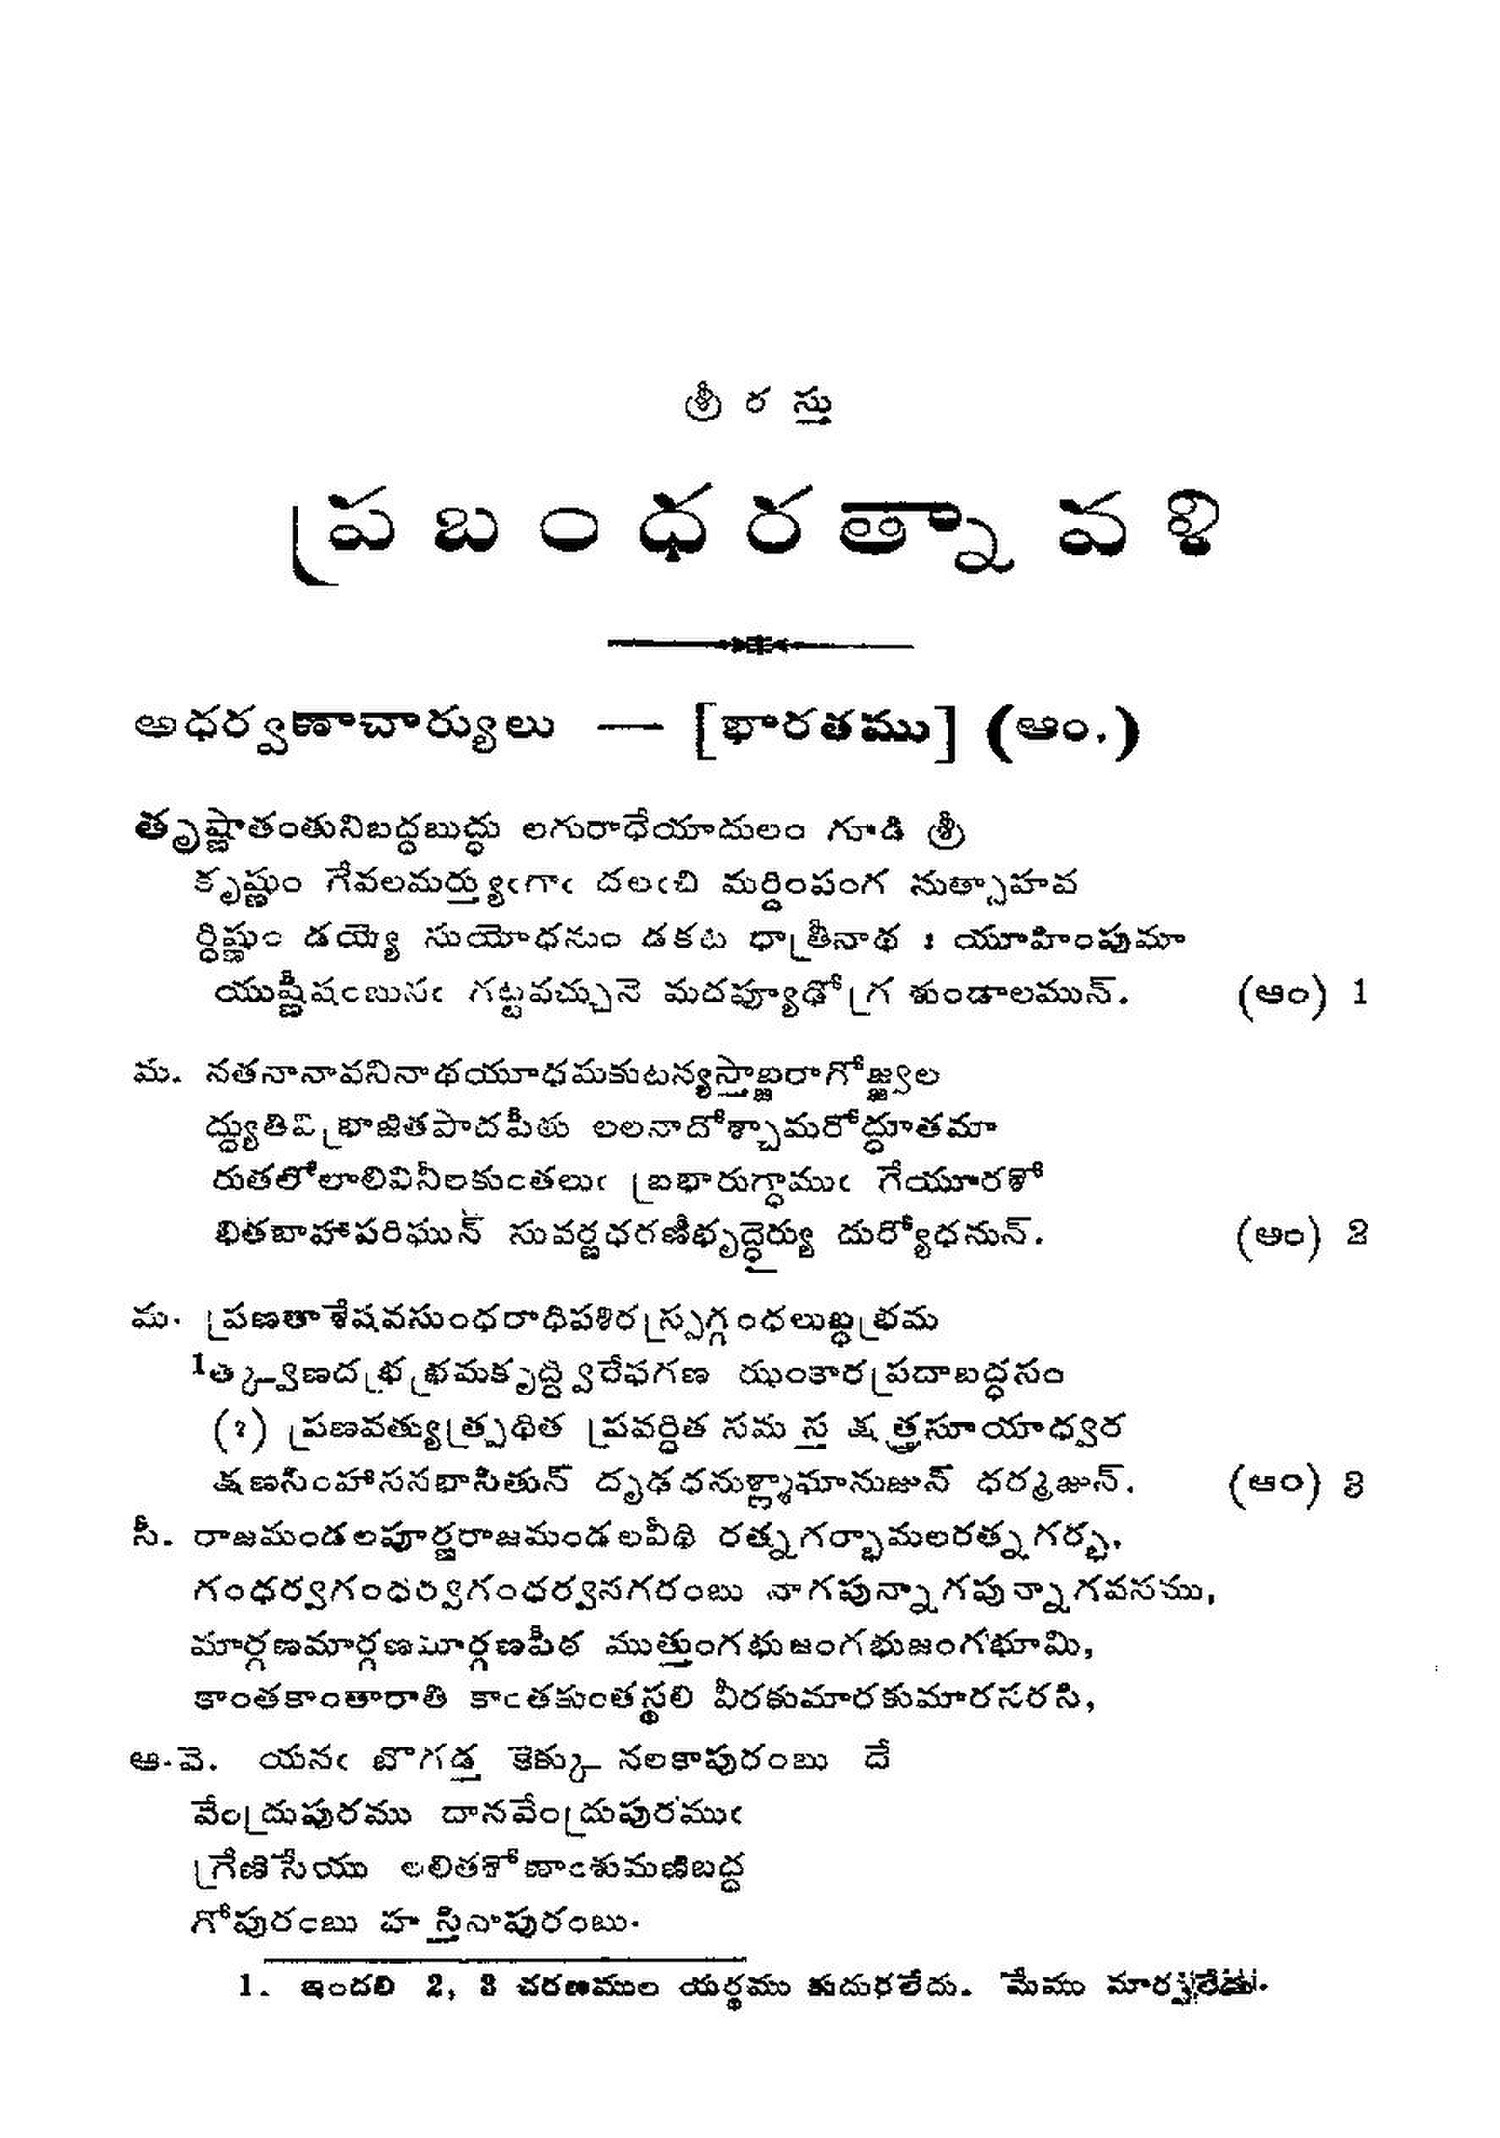శా. తృష్ణాతంతునిబద్ధబుద్ధులగు రాధేయాదులంగూడి శ్రీ
కృష్ణుం గేవలమర్త్యుఁగాఁ దలచి మర్దింపంగ నుత్సాహవ
ర్ధిష్ణుండయ్యె సుయోధనుం డకట! ధాత్రీనాథ! యూహింపుమా
యుష్ణీషంబునఁ గట్టవచ్చునె మదవ్యూఢోగ్రశుండాలమున్? (అం) 1

మ. నతనానావనినాథయూథమకుటన్యస్తాబ్జ రాగోజ్జ్వల
ద్ద్యుతి విభ్రాజితపాదపీఠు లలనాదోశ్చామరోద్ధూత మా
రుతలోలాలి వినీలకుంతలు బ్రభారుగ్ధాము గేయూరశో
భితబాహాపరిఘున్ సువర్ణధరణీభృద్ధైర్యు దుర్యోధనున్. (అం) 2

మ. ప్రణతాశేషవసుంధరాధిప శిరస్స్రగ్గంధలుబ్ధభ్రమ
త్క్వణదభ్ర భ్రమకృద్ద్విరేఫగణఝంకారప్రదాబద్ధసం
[?]ప్రణవత్యుత్ప్రథిత ప్రవర్ధితసమస్తక్షత్త్రసూయాధ్వర
క్షణసింహాసనభాసితున్ దృఢధనుశ్శ్లాఘానుజున్ ధర్మజున్. (అం) 3

సీ. రాజమండలపూర్ణరాజమండలవీధి రత్నగర్భామల రత్నగర్భ
గంధర్వగంధర్వగంధర్వనగరంబు నాగపున్నాగపున్నాగవనము
మార్గణమార్గణమార్గణపీఠ ముత్తుంగభుజంగభుజంగభూమి
కాంతకాంతారాతికాంతకుంతస్థలి వీరకుమారకుమారసరసి
ఆ. యనగ బొగడ్త కెక్కు నలకాపురంబు దే
వేంద్రుపురము దానవేంద్రుపురముఁ
గ్రేణిసేయు లలితశోణాంశుమణిబద్ధ
గోపురంబు హస్తినాపురంబు.